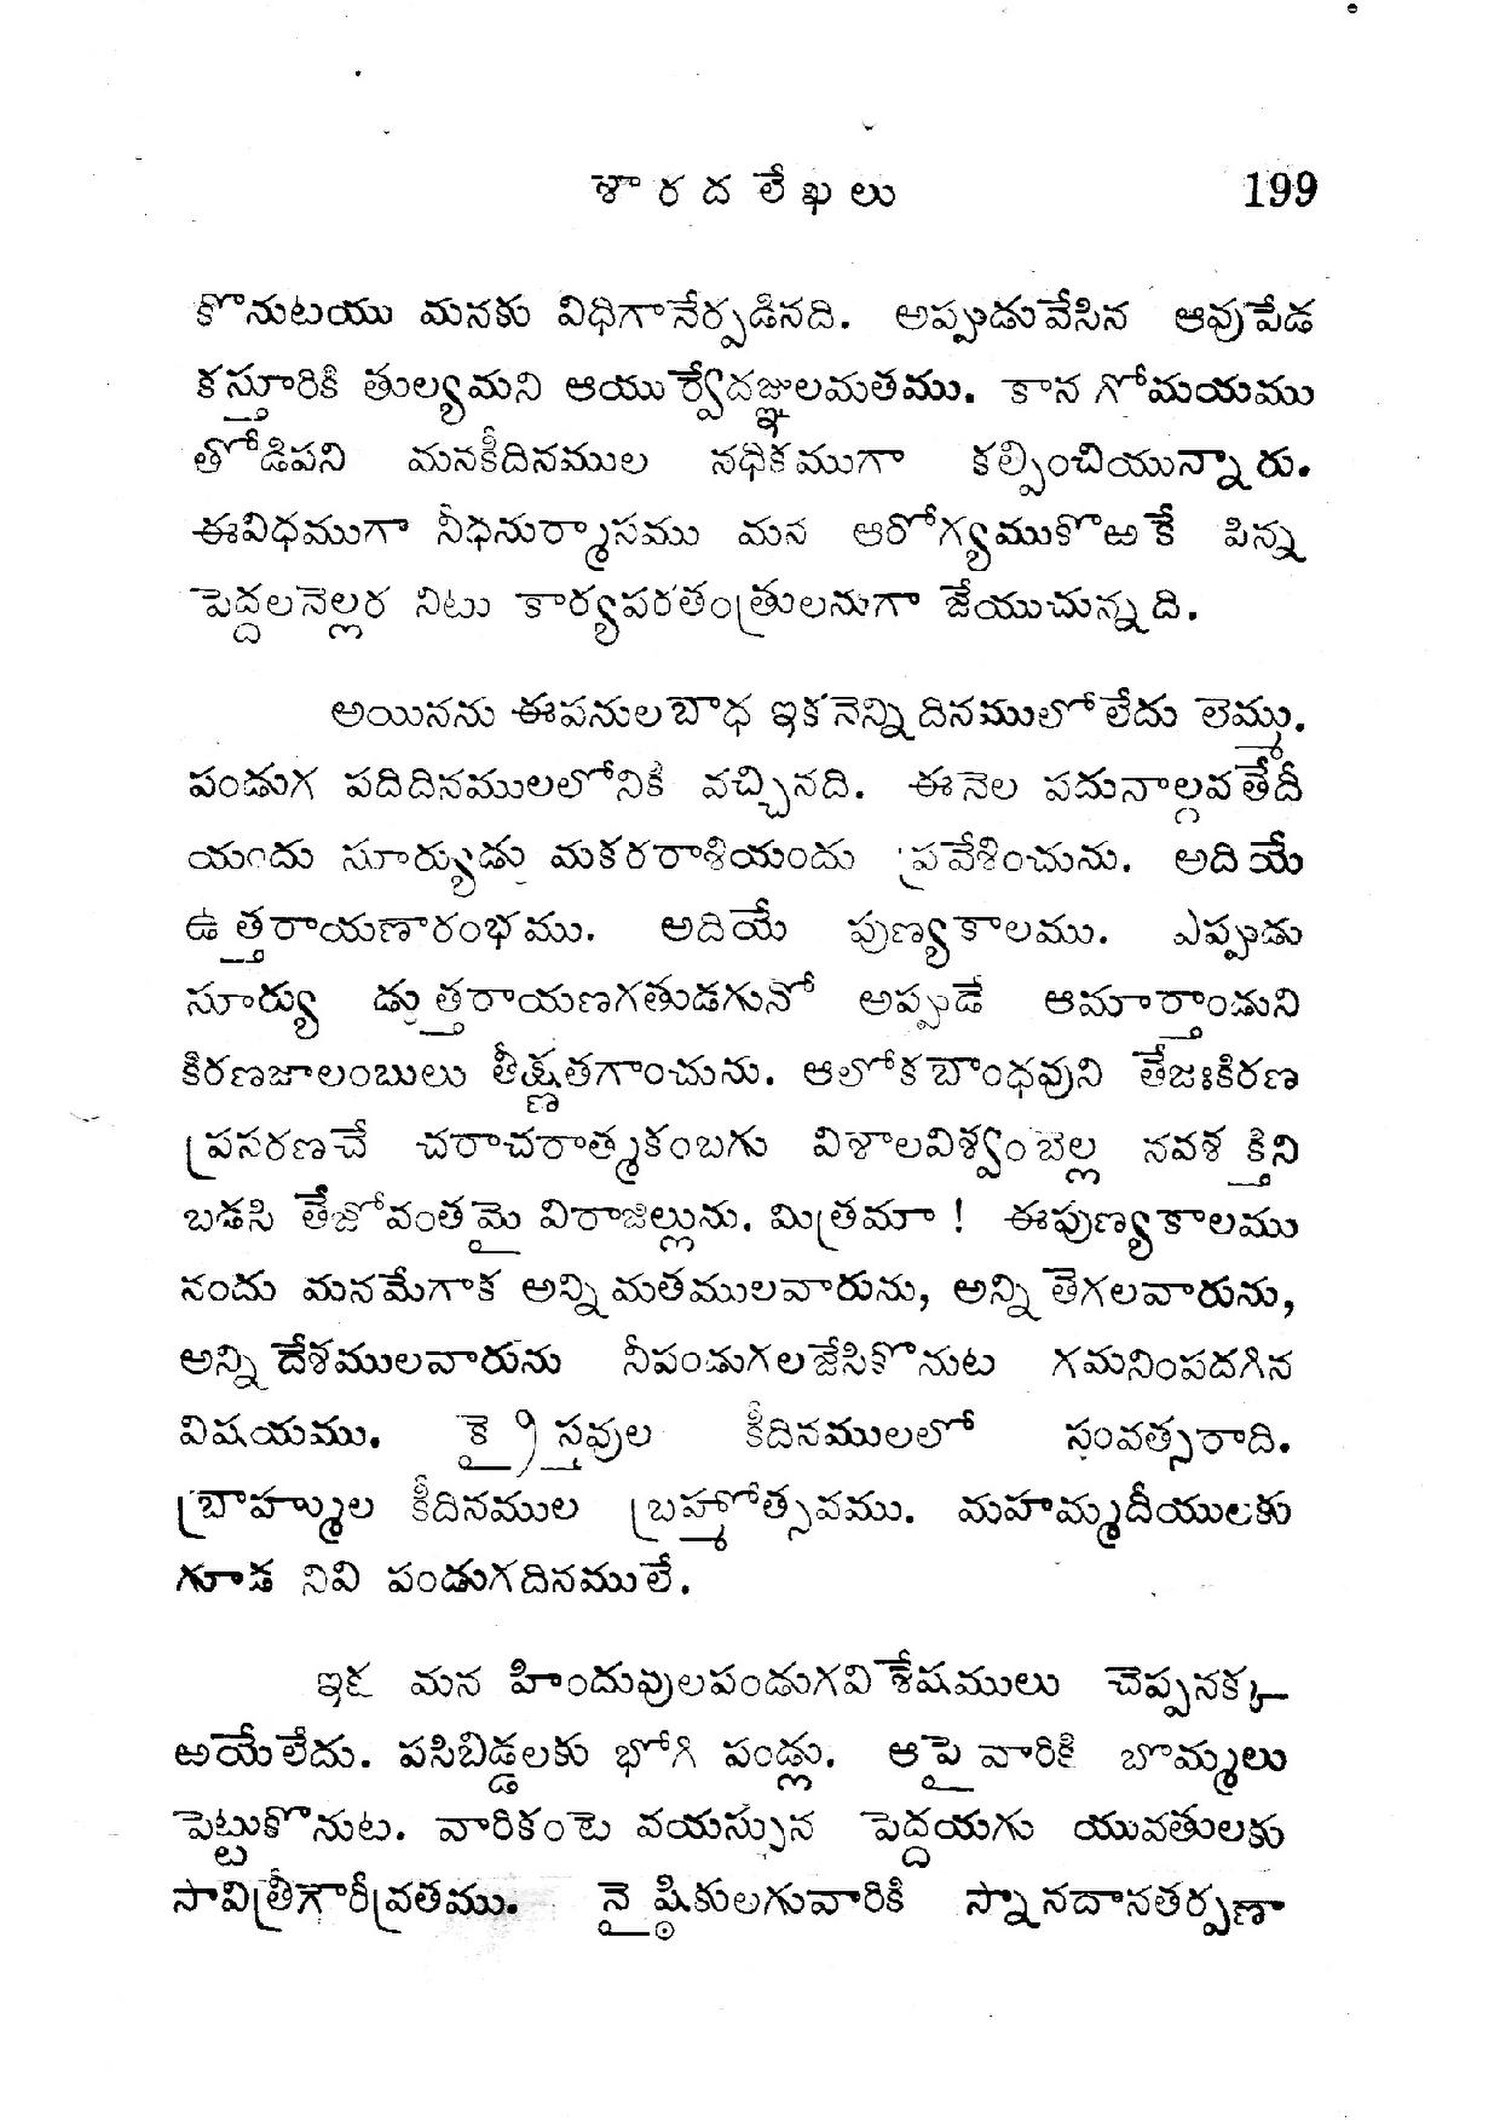కొనుటయు మనకు విధిగానేర్పడినది. అప్పుడువేసిన ఆవుపేడ కస్తూరికి తుల్యమని ఆయుర్వేదజ్ఞులమతము. కాన గోమయముతోడిపని మనకీదినముల నధికముగా కల్పించియున్నారు.
ఈవిధముగా నీధనుర్మాసము మన ఆరోగ్యముకొఱకే పిన్న పెద్దలనెల్లర నిటు కార్యపరతంత్రులనుగా జేయుచున్నది.

అయినను ఈపనులబాధ ఇకనెన్నిదినములోలేదు లెమ్ము. పండుగ పదిదినములలోనికి వచ్చినది. ఈనెల పదునాల్గవతేదీ యందు సూర్యుడు మకరరాశియందు ప్రవేశించును. అదియే ఉత్తరాయణారంభము. అదియే పుణ్యకాలము. ఎప్పుడు సూర్యు డుత్తరాయణగతుడగునో అప్పుడే ఆమార్తాండుని
కిరణజాలంబులు తీక్ష్ణతగాంచును. ఆలోకబాంధవుని తేజఃకిరణ ప్రసరణచే చరాచరాత్మకంబగు విశాలవిశ్వంబెల్ల నవశక్తిని బడసి తేజోవంతమై విరాజిల్లును. మిత్రమా! ఈపుణ్యకాలమునందు మనమేగాక అన్నిమతములవారును, అన్నితెగలవారును, అన్ని దేశములవారును నీపండుగలజేసికొనుట గమనింపదగిన
విషయము. క్రైస్తవుల కీదినములలో సంవత్సరాది. బ్రాహ్ముల కీదినముల బ్రహ్మోత్సవము. మహమ్మదీయులకు గూడ నివి పండుగదినములే.

ఇక మన హిందువులపండుగవిశేషములు చెప్పనక్కఱయేలేదు. పసిబిడ్డలకు భోగి పండ్లు, ఆపైవారికి బొమ్మలు పెట్టుకొనుట. వారికంటె వయస్సున పెద్దయగు యువతులకు సావిత్రీగౌరీవ్రతము. నైష్ఠికులగువారికి స్నానదానతర్పణా